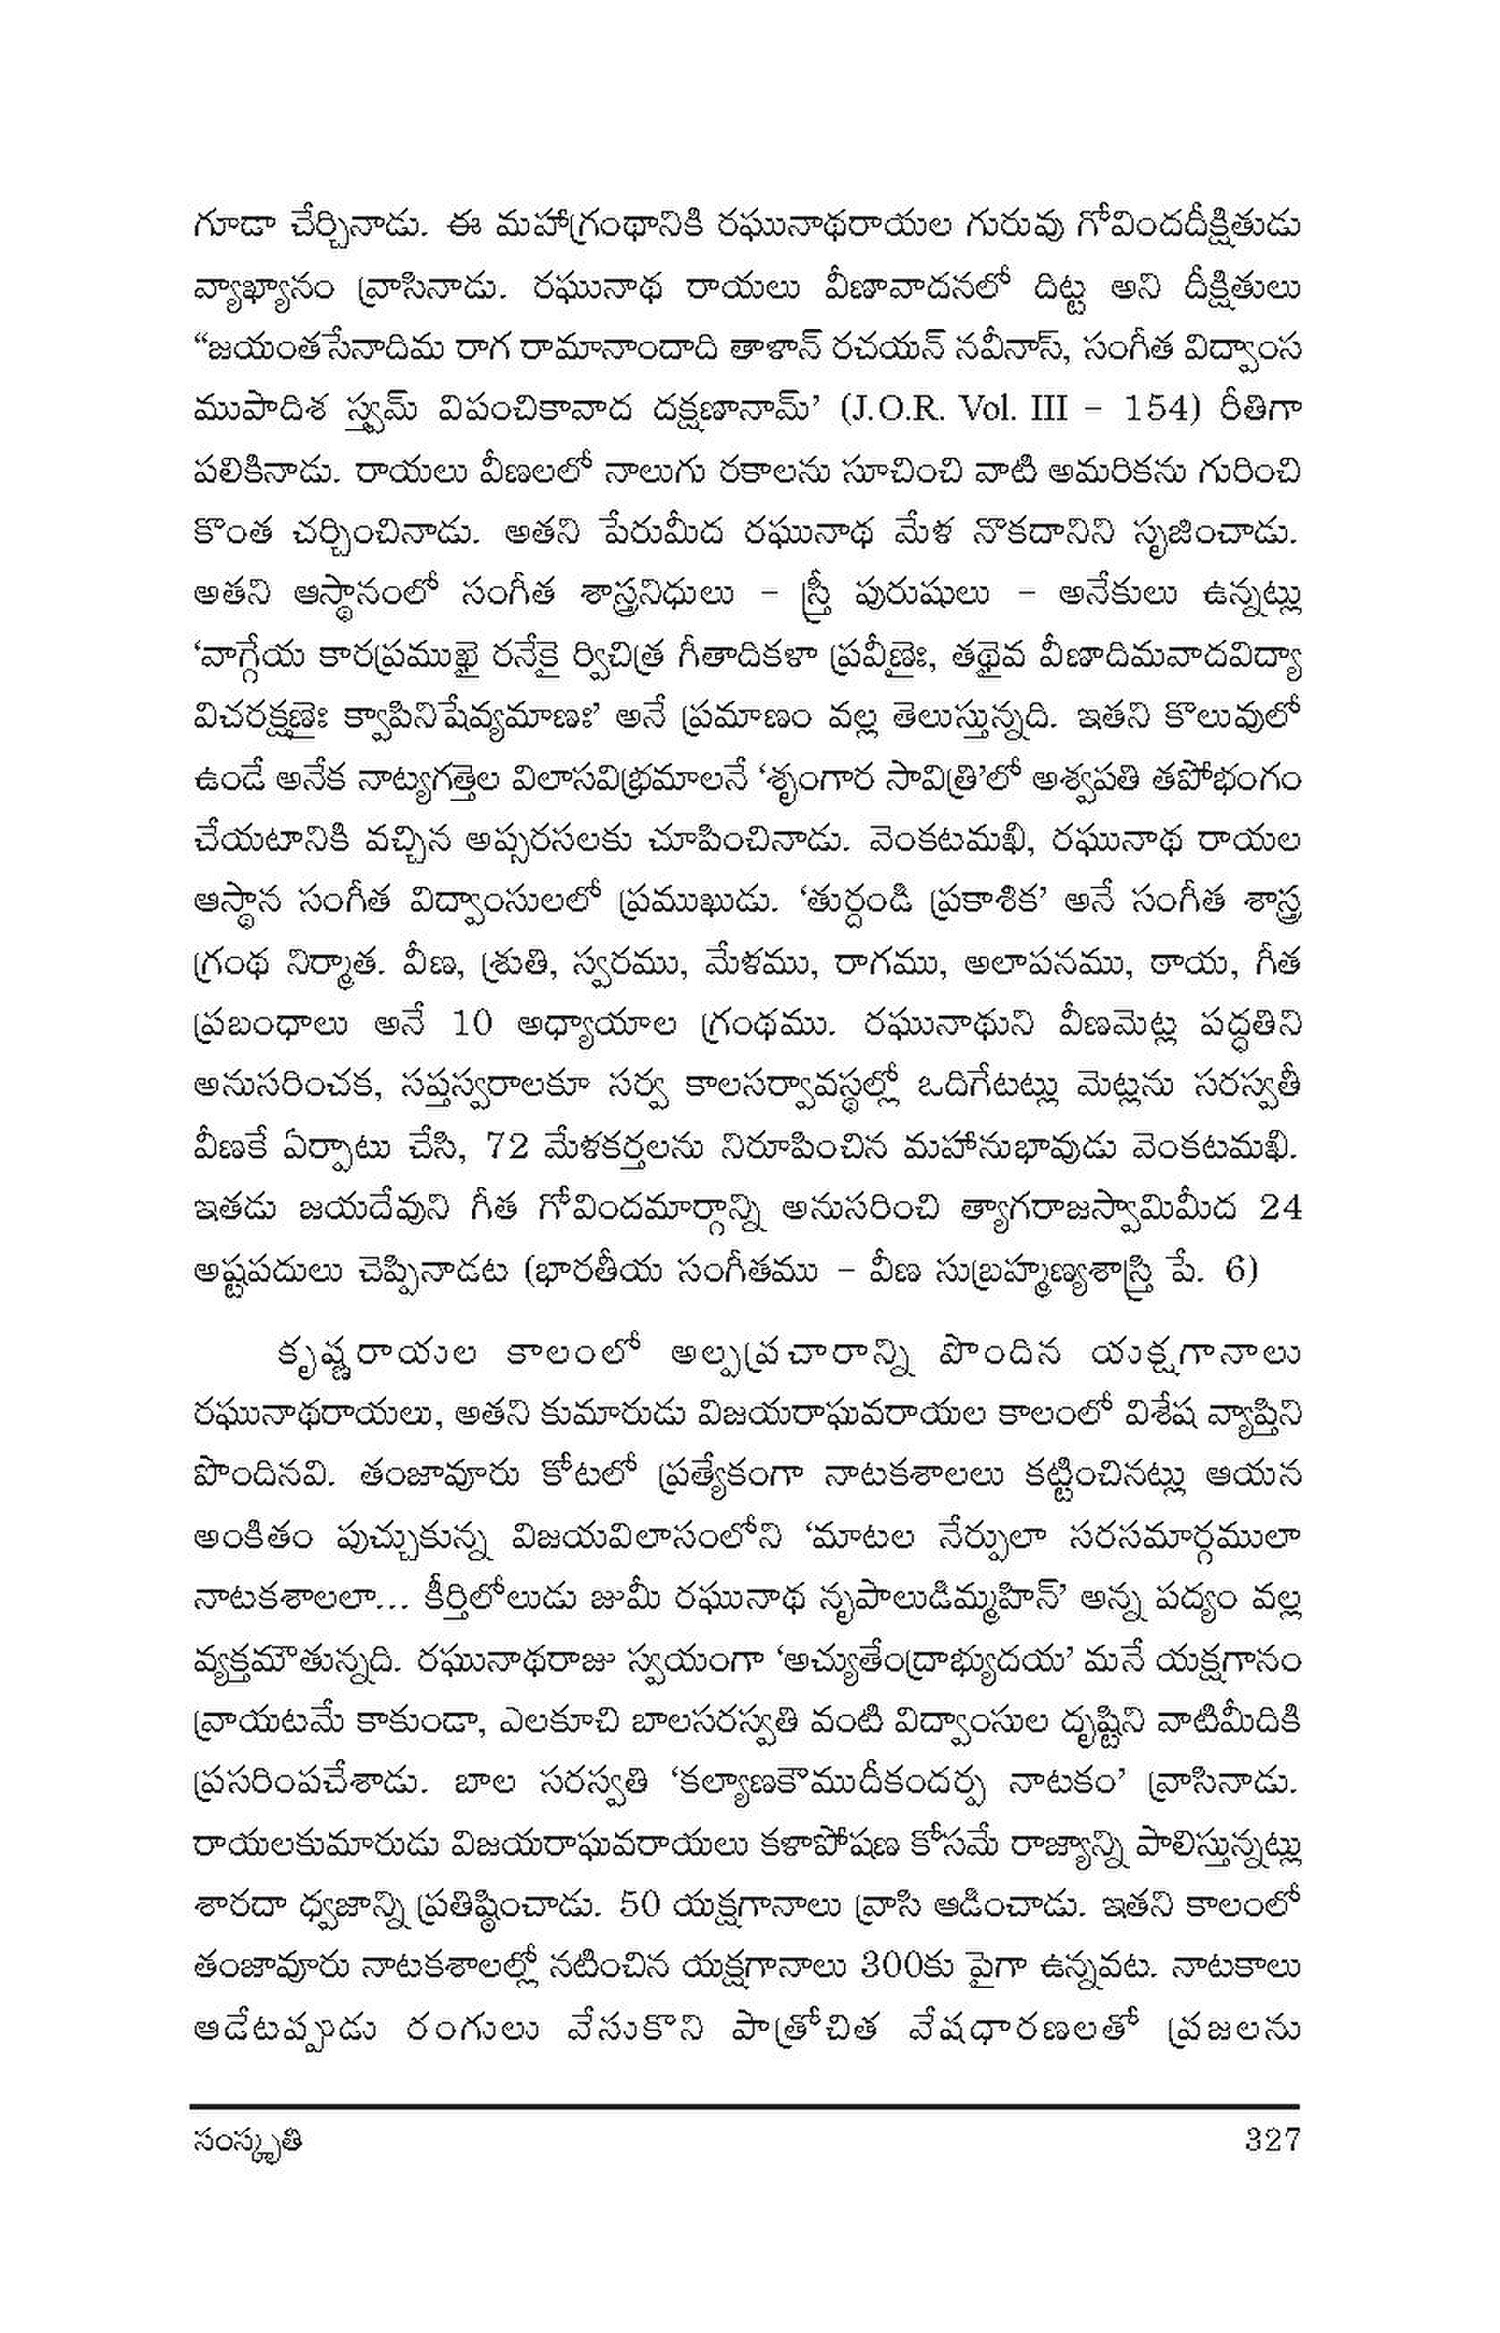గూడా చేర్చినాడు. ఈ మహాగ్రంథానికి రఘునాథరాయల గురువు గోవిందదీక్షితుడు
వ్యాఖ్యానం వ్రాసినాడు. రఘునాథ రాయలు వీణావాదనలో దిట్ట అని దీక్షితులు
“జయంతసేనాది రాగ రామానాందాది తాళాన్ రచయన్ నవీనాస్, సంగీత విద్వాంస
ముపాదిశ స్త్వమ్ విపంచికావాద దక్షణానామ్' (J.O.R. Vol. III - 154) రీతిగా
పలికినాడు. రాయలు వీణలలో నాలుగు రకాలను సూచించి వాటి అమరికను గురించి
కొంత చర్చించినాడు. అతని పేరుమీద రఘునాథ మేళ నొకదానిని సృజించాడు.
అతని ఆస్థానంలో సంగీత శాస్త్రనిధులు - స్త్రీ పురుషులు
అనేకులు ఉన్నట్లు 'వాగ్గేయ కారప్రముఖై రనేకై ర్విచిత్ర గీతాదికళా ప్రవీణైః, తథైవ వీణాదిమవాదవిద్యా
విచరక్షణైః క్వాపినిషేవ్యమాణః' అనే ప్రమాణం వల్ల తెలుస్తున్నది. ఇతని కొలువులో
ఉండే అనేక నాట్యగత్తెల విలాసవిభ్రమాలనే 'శృంగార సావిత్రి'లో అశ్వపతి తపోభంగం
చేయటానికి వచ్చిన అప్సరసలకు చూపించినాడు. వెంకటమఖి, రఘునాథ రాయల
ఆస్థాన సంగీత విద్వాంసులలో ప్రముఖుడు. 'తుర్దండి ప్రకాశిక' అనే సంగీత శాస్త్ర
గ్రంథ నిర్మాత. వీణ, శ్రుతి, స్వరము, మేళము, రాగము, అలాపనము, రాయ, గీత
ప్రబంధాలు అనే 10 అధ్యాయాల గ్రంథము. రఘునాథుని వీణమెట్ల పద్ధతిని
అనుసరించక, సప్తస్వరాలకూ సర్వ కాలసర్వావస్థల్లో ఒదిగేటట్లు మెట్లను సరస్వతీ
వీణకే ఏర్పాటు చేసి, 72 మేళకర్తలను నిరూపించిన మహానుభావుడు వెంకటమఖి.
ఇతడు జయదేవుని గీత గోవిందమార్గాన్ని అనుసరించి త్యాగరాజస్వామిమీద 24
అష్టపదులు చెప్పినాడట (భారతీయ సంగీతము - వీణ సుబ్రహ్మణ్యశాస్త్రి పే. 6)

కృష్ణరాయల కాలంలో అల్పప్రచారాన్ని పొందిన యక్షగానాలు
రఘునాథరాయలు, అతని కుమారుడు విజయరాఘవరాయల కాలంలో విశేష వ్యాప్తిని
పొందినవి. తంజావూరు కోటలో ప్రత్యేకంగా నాటకశాలలు కట్టించినట్లు ఆయన
అంకితం పుచ్చుకున్న విజయవిలాసంలోని 'మాటల నేర్పులా సరసమార్గములా
నాటకశాలలా... కీర్తిలోలుడు జుమీ రఘునాథ నృపాలుడిమ్మహిన్' అన్న పద్యం వల్ల
వ్యక్తమౌతున్నది. రఘునాథరాజు స్వయంగా 'అచ్యుతేంద్రాభ్యుదయ' మనే యక్షగానం
వ్రాయటమే కాకుండా, ఎలకూచి బాలసరస్వతి వంటి విద్వాంసుల దృష్టిని వాటిమీదికి
ప్రసరింపచేశాడు. బాల సరస్వతి 'కల్యాణకౌముదీకందర్ప నాటకం' వ్రాసినాడు.
రాయలకుమారుడు విజయరాఘవరాయలు కళాపోషణ కోసమే రాజ్యాన్ని పాలిస్తున్నట్లు
శారదా ధ్వజాన్ని ప్రతిష్ఠించాడు. 50 యక్షగానాలు వ్రాసి ఆడించాడు. ఇతని కాలంలో
తంజావూరు నాటకశాలల్లో నటించిన యక్షగానాలు 300కు పైగా ఉన్నవట. నాటకాలు
ఆడేటప్పుడు రంగులు వేసుకొని పాత్రోచిత వేషధారణలతో ప్రజలను